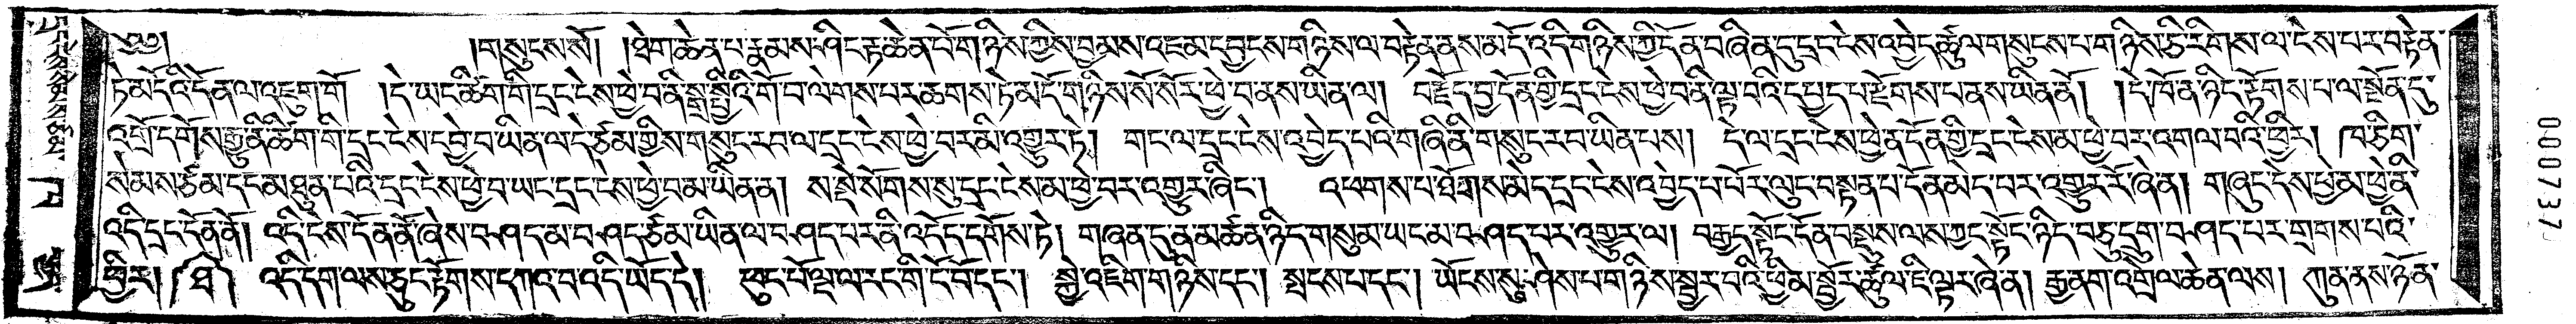༄༅། །གསུངས་སོ། །ཐེག་ཆེན་པ་རྣམས་ཤིང་རྟ་ཆེན་པོ་གཉིས་ཀྱིས་བྱམས་འཇམ་དབྱངས་གཉིས་ལ་བརྟེན་ནས་མདོ་འདི་གཉིས་ཀྱི་དོན་བཞིན་དུ་དྲང་ངེས་འབྱེད་ཚུལ་གསུངས་པ་གཉིས་ཅི་རིགས་ལ་ངེས་པར་བརྟེན་
ཏེ་མདོའི་དོན་ལ་འཇུག་གོ །དེ་ཡང་ཚིག་གི་དྲང་ངེས་ཕྱེ་བ་ནི་སྒྲ་སྤྱིའི་གོ་བ་ལེགས་པར་ཆགས་ཏེ་མདོ་གཉིས་སོ་སོར་ཕྱེ་བ་ནས་ཡིན་ལ། བརྗོད་བྱ་དོན་གྱི་དྲང་ངེས་ཕྱེ་བ་ནི་ལྟ་བའི་དཔྱད་པ་རྫོགས་པ་ནས་ཡིན་ནོ། །དེ་ཁོ་ན་ཉིད་རྟོགས་པ་ལ་སྔོན་དུ་
འགྲོ་དགོས་རྒྱུ་ནི་ཚིག་གི་དྲང་ངེས་དབྱེ་བ་ཡིན་ལ་དེ་ཙམ་གྱིས་གསུང་རབ་ལ་དྲང་ངེས་ཕྱེ་བར་མི་འགྱུར་ཏེ། གང་ལ་དྲང་ངེས་འབྱེད་པའི་གཞི་ནི་གསུང་རབ་ཡིན་པས། དེ་ལ་དྲང་ངེས་ཕྱེ་ན་དོན་གྱི་དྲང་ངེས་མ་ཕྱེ་བར་འགལ་བའི་ཕྱིར། ཁ་ཅིག་
སེམས་ཙམ་དང་མཐུན་པའི་དྲང་ངེས་ཕྱེ་བ་ཡང་དྲང་ངེས་ཕྱེ་བ་མ་ཡིན་ན། ས་སྡེ་སོགས་སུ་དྲང་ངེས་མ་ཕྱེ་བར་འགྱུར་ཞིང་། འཕགས་པ་ཐོགས་མེད་དྲང་ངེས་འབྱེད་པ་པོར་ལུང་བསྟན་པ་དོན་མེད་པར་འགྱུར་རོ་ཞེ་ན། གཞུང་དེས་ཕྱེ་མ་ཕྱེ་ནི་
འདི་དྲང་དོན་ནོ། འདི་ངེས་དོན་ནོ་ཞེས་བཤད་མ་བཤད་ཙམ་ཡིན་ལ་བཤད་པར་ནི་འདོད་དགོས་ཏེ། གཞན་དུ་ན་མཚན་ཉིད་གསུམ་ཡང་མ་བཤད་པར་འགྱུར་ལ། བརྒྱད་སྟོང་དོན་བསྡུས་ལས་ཀྱང་སྟོང་ཉིད་བཅུ་དྲུག་བཤད་པར་གྲགས་པའི་
ཕྱིར། ༼ཐ༽ འདི་དག་ལས་ཅུང་རྟོགས་དཀའ་བ་འདི་ཡོད་དེ། ཕུང་པོ་ལྔ་ལ་རང་གི་ངོ་བོ་དང་། སྐྱེ་འཇིག་གཉིས་དང་། སྤངས་པ་དང་། ཡོངས་སུ་ཤེས་པ་གཉིས་སྦྱར་བའི་ཕྱི་མ་སྦྱོར་ཚུལ་ཇི་ལྟར་ཞེ་ན། རྒྱ་ནག་འགྲེལ་ཆེན་ལས། ཀུན་ནས་ཉོན་